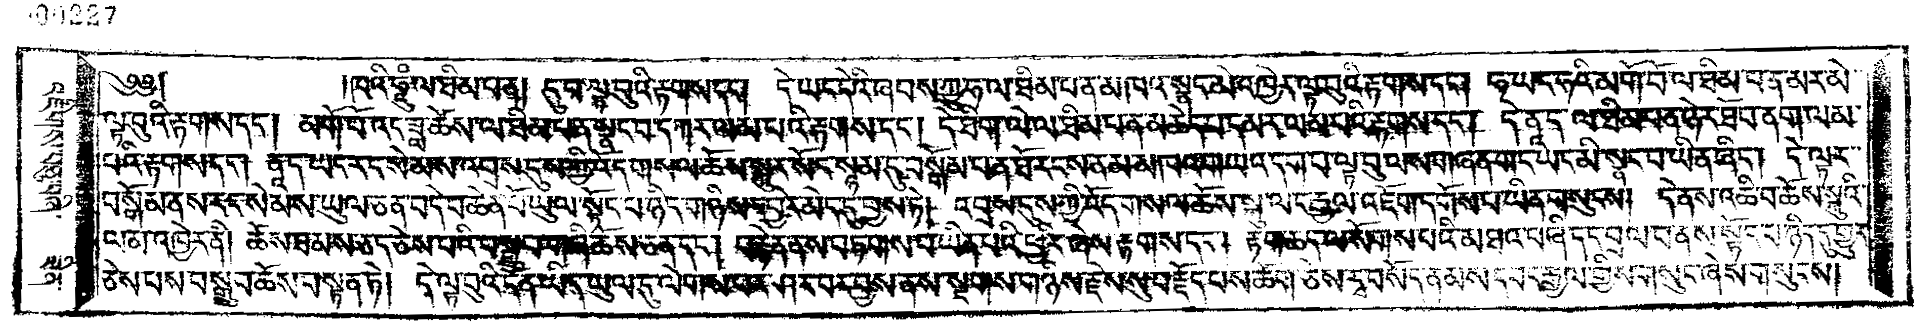༄༅། །ཁའི་ཧཱུཾ་ལ་ཐིམ་པ་ན། དུ་བ་ལྟ་བུའི་རྟགས་དང་། དེ་ཡང་དེའི་ཞབས་ཀྱུ་ཧ་ལ་ཐིམ་པ་ན་མཁའ་སྣང་མེ་འཁྱེར་ལྟ་བུའི་རྟགས་དང་། ཧ་ཡང་ཧའི་མགོ་བོ་ལ་ཐིམ་པ་ན་མར་མེ་
ལྟ་བུའི་རྟགས་དང་། མགོ་བོ་འང་ཟླ་ཚེས་ལ་ཐིམ་པ་ན་སྣང་བ་དཀར་ལམ་པའི་རྟགས་དང་། དེ་ཐིག་ལེ་ལ་ཐིམ་པ་ན་མཆེད་པ་དམར་ལམ་པའི་རྟགས་དང་། དེ་ནཱ་ད་ལ་ཐིམ་པ་ན་ཉེར་ཐོབ་ནག་ལམ་
པའི་རྟགས་དང་། ནཱ་ད་ཡང་རང་སེམས་འབྲས་དུས་ཀྱི་འོད་གསལ་ཆོས་སྐུར་སོང་སྙམ་དུ་བསྒོམ་པ་ན་ཐོ་རངས་ནམ་མཁའ་གཡའ་དག་པ་ལྟ་བུ་ལས་གཞན་གང་ཡང་མི་སྣང་བ་ཡིན་ཞིང་། དེ་ལྟར་
བསྒོམ་ནས་རང་སེམས་ཡུལ་ཅན་བདེ་བ་ཆེན་པོ་ཡུལ་སྟོང་པ་ཉིད་གཉིས་དབྱེར་མེད་དུ་བྱས་ཏེ། འབྲས་དུས་ཀྱི་འོད་གསལ་ཆོས་སྐུ་ལ་ང་རྒྱལ་འཇོག་དགོས་པ་ཡིན་གསུངས། དེ་ནས་འཆི་བ་ཆོས་སྐུའི་
ལམ་འཁྱེར་ནི། ཆོས་ཐམས་ཅད་ཅེས་པའི་བསྒྲུབ་གཞི་ཆོས་ཅན་དང་། བརྟེན་ནས་བཏགས་པ་ཡིན་པའི་ཕྱིར་ཞེས་རྟགས་དང་། རྟག་ཆད་ལ་སོགས་པའི་མཐའ་བཞི་དང་བྲལ་བ་ནས་སྟོང་པ་ཉིད་དུ་གྱུར་
ཅེས་པས་བསྒྲུབ་ཆོས་བསྟན་ཏེ། དེ་ལྟ་བུའི་དོན་ཡིད་ཡུལ་དུ་ལེགས་པར་ཤར་བར་བྱས་ནས་སྔགས་གཉིས་རྗེས་སུ་བརྗོད་པས་ཆོག་ཅེས་རྭ་བསོད་ནམས་དབང་རྒྱལ་གྱིས་གསུང་ཞེས་གསུངས།